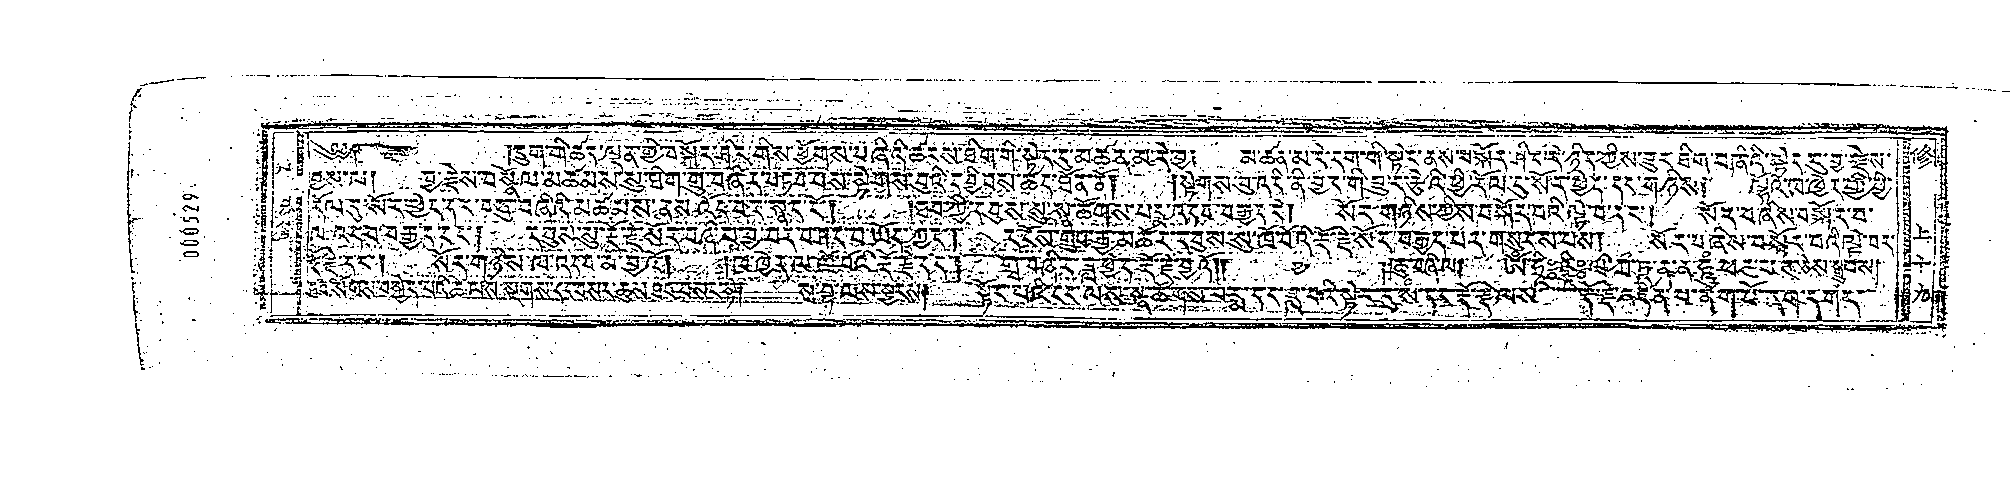༄༅། །དྲུག་གི་ཚད་ལྡན་གྱི་བསྐོར་ཤིང་གིས་ཕྱོགས་བཞིའི་ཚངས་ཐིག་གི་སྟེང་དུ་མཚན་མ་རེ་བྱ། མཚན་མ་དེ་དག་གི་སྟེང་ནས་བསྐོར་ཤིང་དེ་ཉིད་ཀྱིས་བྲུར་ཐིག་བཞིའི་སྟེང་དུ་བྱ་རྗེས་
བྱས་ལ། བྱ་རྗེས་བསྣོལ་མཚམས་སུ་ཐིག་གྲུ་བཞིར་བཏབ་བས་སྟེགས་བུའི་དབྱིབས་ཚད་ཐོན་ནོ། །སྟེགས་བུ་འདི་ནི་བྱང་གི་ཟུར་རྩེའི་ཕྱི་རོལ་དུ་སོར་ཕྱེད་དང་གཉིས། ལྷོའི་ཁ་ཁྱར་གྱི་ཕྱི་
རོལ་དུ་སོར་ཕྱེད་དང་བཅུ་བཞིའི་མཚམས་ནས་འོང་བར་སྣང་ངོ། །ཐབ་ཀྱི་དབུས་སུ་སྣ་ཚོགས་པདམ་འདབ་བརྒྱད་རེ། སོར་གཉིས་ཀྱིས་བསྐོར་བའི་ལྟེ་བ་དང་། སོར་བཞེས་བསྐོར་བ་
ལ་འདབ་བརྒྱད་དང་། དབུས་སུ་རྡོ་རྗེ་སོར་བཞི་པ་བྱ་བར་བཤད་པ་ཡོད་ཀྱང་། དངོས་གྲུབ་རྒྱ་མཚོར་དབུས་སུ་ཁྲོ་བོའི་རྡོ་རྗེ་སོར་བརྒྱད་པར་གསུངས་པས། སོར་བཞིས་བསྐོར་བའི་ལྟེ་བར་
རྡོ་རྗེ་དང་། སོར་གཉིས་ལ་འདབ་མ་བྱའོ། །ཁ་ཁྱེར་ལ་ཁྲོ་བོའི་རྡོ་རྗེ་དང་། གྲྭ་བཞིར་ཟླ་ཕྱེད་རྡོ་རྗེ་བྱའོ།། ༧་།།ཆུ་བཞིལ། ཨོཾ་ཧྲཱིཿ་ཥྚྲཱིཿ་ཝི་ཀྲྀ་ཏཱ་ན་ན་ཧཱུཾ་ཕཊ་པཊ་ཅེས་སྒྲུབས།
ཐབ་སོགས་བསྐྱེད་པའི་ཚེ་ལས་སྔགས་དང་བསང་ཆུས་ཐབ་བསང་སྟེ། སྭ་བྷ་ལས་སྦྱངས། སྟོང་པའི་ངང་ལས་སྣ་ཚོག་པདམ་དང་ཟླ་བའི་སྟེང་དུ་སཾ་དང་རྡོ་རྗེ་ལས་རྡོ་རྗེ་འཛིན་པ་ནག་པོ་ནག་དགར་